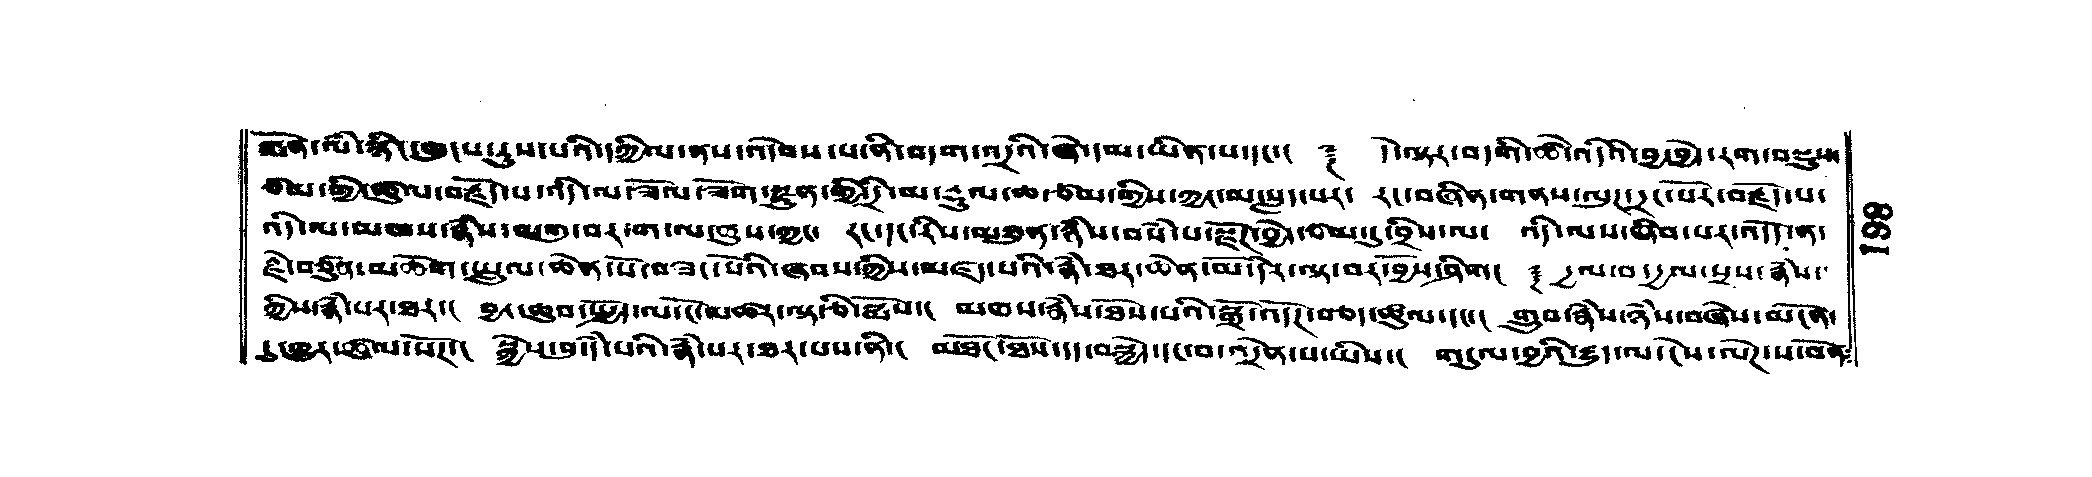སྨོན་ལམ་སྙིང་ཁུང་རུས་པའི་དཀྱིལ་ནས་འདེབས་པ་ནི་བདག་འདྲའི་ཞེ་དམ་ཡིན་པ་དང་།དེ་ལྟར་བདག་གི་ཚེ་འདིའི་བྱ་བྱེད་རགས་བསྡུས་
ཙམ་གྱི་ཚུལ་བརྗོད་པ་འདི་ལ་ཟོལ་ཟོག་རྫུན་གྱི་དྲི་མ་རྡུལ་ཆ་ཙམ་གྱིས་ཀྱང་མ་སླད་པར། རང་བཞིན་གནས་ལུགས་དྲང་པོར་བརྗོད་པ་
འདི་ལ་མཁས་རྣམས་མགུ་བར་ག་ལ་ནུས་ཀྱང་། རང་དང་རིགས་མཐུན་རྣམས་བསམ་པ་རྫོགས་བྱེད་ཙམ་དུ་བྲིས་ལ། འདི་ལས་ཞིབ་པར་འདོད་ན་
རྗེ་བཙུན་མཆོག་སྤྲུལ་ཆེན་པོ་བཟང་པོའི་ཞབས་ཀྱིས་མཛད་པའི་རྣམ་ཐར་ཆེན་མོ་དེར་ལྟ་བར་བྱོས་ཤིག ༈ རྒྱལ་བ་རྒྱལ་སྲས་རྣམས་
ཀྱིས་རྣམ་པར་ཐར། །བྱང་ཆུབ་སྤྱོད་ལ་ངོ་མཚར་ལྟ་ཅི་སྨོས། །མཁས་རྣམས་ཐོས་པའི་སྒྲོ་འདོགས་བཅད་ཚུལ་དང་། །གྲུབ་རྣམས་ཉམས་བཞེས་མངོན་
དུ་གྱུར་ཚུལ་སོགས། །སྐྱེས་བུ་དམ་པའི་རྣམས་པར་ཐར་པས་ནི། །མཐོང་ཐོས་དད་བསྐྱེད་དང་བ་འདྲེན་པ་ཡིས། །གདུལ་བྱའི་རྒྱུད་ལ་ངེས་ལེགས་ས་བོན་